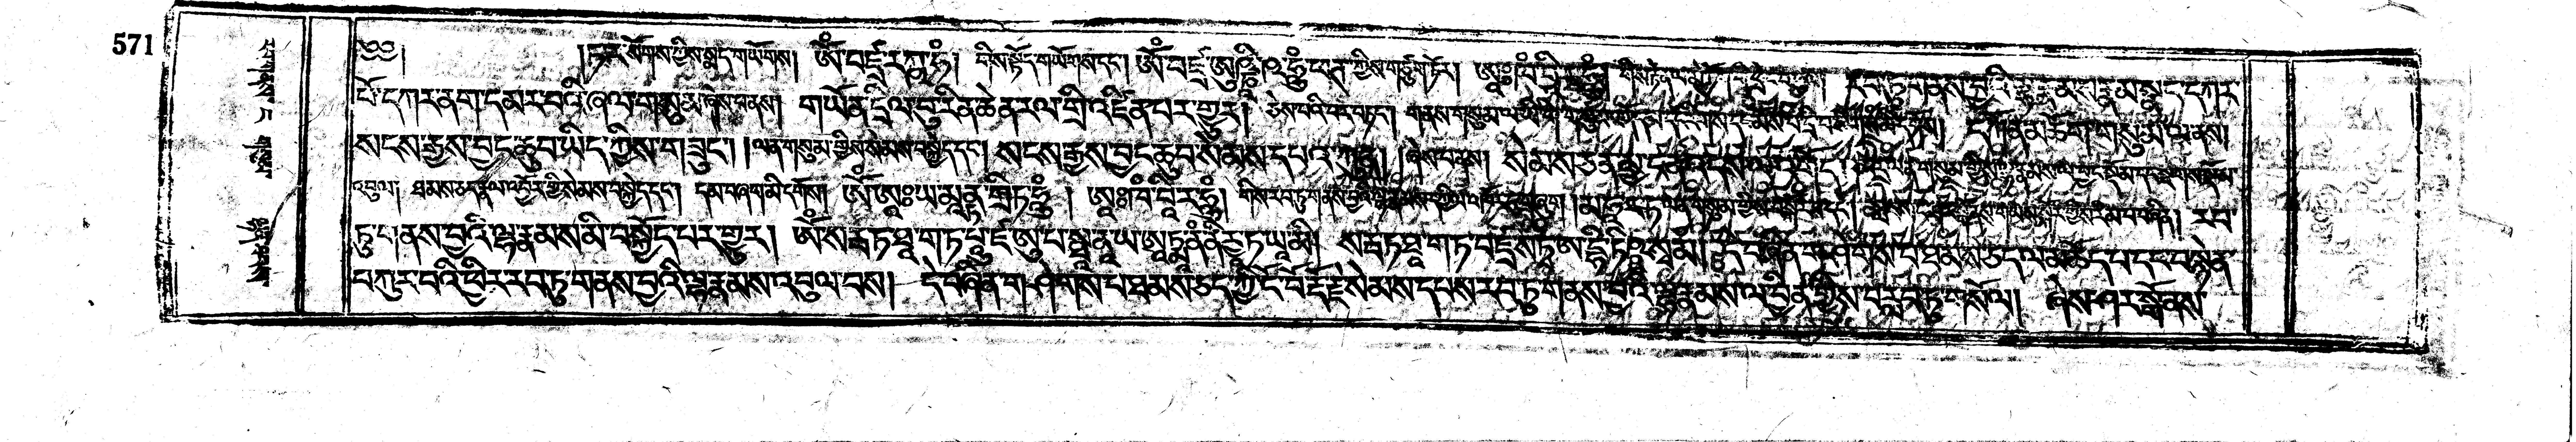༄༅། །ཏ་ར་སོགས་ཀྱིས་སྨད་གཡོགས།  ཨོཾ་བཛྲ་རཀྵ་ཧཾ། གིས་སྟོད་གཡོགས་དང་།  ཨོཾ་བཛྲ་ཨུཥྞཱི་ཥ་ཧཱུཾ་ཕཊ་ཀྱིས་གཙུག་ཏོར།  ཨཱཿཁཾ་བཱི་ར་ཧཱུཾ། གིས་རྟེན་ལ་མེ་ཏོག་གི་ཕྲེང་བ་བུལ།  རབ་ཏུ་གནས་བྱའི་ལྷ་རྣམས་རྣམ་སྣང་དཀར་
པོ་དཀར་ནག་དམར་བའི་ཞལ་གསུམ་ཞེས་པ་ནས།  གཡོན་དྲིལ་བུ་རིན་ཆེན་རལ་གྲི་འཛིན་པར་གྱུར། ཅེས་པའི་བར་བཏང་། གནས་གསུམ་ལ་ཡི་གེ་གསུམ་འགོད་པ་དང་རིགས་དང་མོས་པ་དྲི་བ་སོགས་མི་དགོས།  དཀོན་མཆོག་གསུམ་ལ་ནས།
སངས་རྒྱས་བྱང་ཆུབ་ཡིད་ཀྱི་གཟུང་། །ལན་གསུམ་གྱིས་སེམས་བསྐྱེད་དང་།  སངས་རྒྱ་བྱང་ཆུབ་སེམས་དཔའ་ཀུན། །ཞས་པ་ནས།  སེམས་ཅན་མྱ་ངན་འདས་ལ་འགོད། །བར་ལན་གསུམ་གྱིས་ལྷ་རྣམས་ལ་བྱང་སྡོམ་དང་སྔགས་སྡོམ་
འབུལ༑ ཐམས་ཅད་རྣལ་འབྱོར་གྱི་སེམས་བསྐྱེད་དང་། དམ་བཞག་མི་དགོས། ཨོཾ་ཨཱཿཡ་མཱནྟ་ཀྲིཏ་ཧཱུཾ། ཨཱཿཁཾ་བཱི་ར་ཧཱུཾ། གིས་རབ་ཏུ་གནས་བྱའི་ལྷ་རྣམས་དཀྱིལ་འཁོར་དུ་གཞུག་།མ་ཧཱ་ར་ཏ་ལན་གསུམ་གྱིས་བསྐོར་བ་དང་། སླར་ཡང་ཤར་སྒོ་ནས་གཡས་སྐོར་གྱི་རིམ་པ་བཞིན།  རབ་
ཏུ་གནས་བྱའི་ལྷ་རྣམས་མི་བསྐྱོད་པར་གྱུར། ཨོཾ་སརྦ་ཏ་ཐཱ་ག་ཏ་པཱུ་ཛ་ཨུ་པ་སྠཱ་ནཱ་ཡ་ཨཱཏྨ་ནཾ་ནི་རྱཱ་ཏ་ཡཱ་མི། སརྦ་ཏ་ཐཱ་ག་ཏ་བཛྲསཏྭ་ཨ་དྷི་ཏིཥཊཿཨ་སྭ་མཾ། དེ་བཞིན་གཤེགས་པ་ཐམས་ཅད་ལ་མཆོད་པ་དང་བསྙེན་
བཀུར་བའི་ཕྱིར་རབ་ཏུ་གནས་བྱའི་ལྷ་རྣམས་འབུལ་བས། དེ་བཞིན་གཤེགས་པ་ཐམས་ཅད་ཀྱི་ངོ་བོ་རྡོ་རྗེ་སེམས་དཔས་རབ་ཏུ་གནས་བྱའི་ལྷ་རྣམས་ལ་བྱིན་གྱིས་བརླབ་ཏུ་གསོལ། ཞེས་ཤར་སྒོ་ནས་